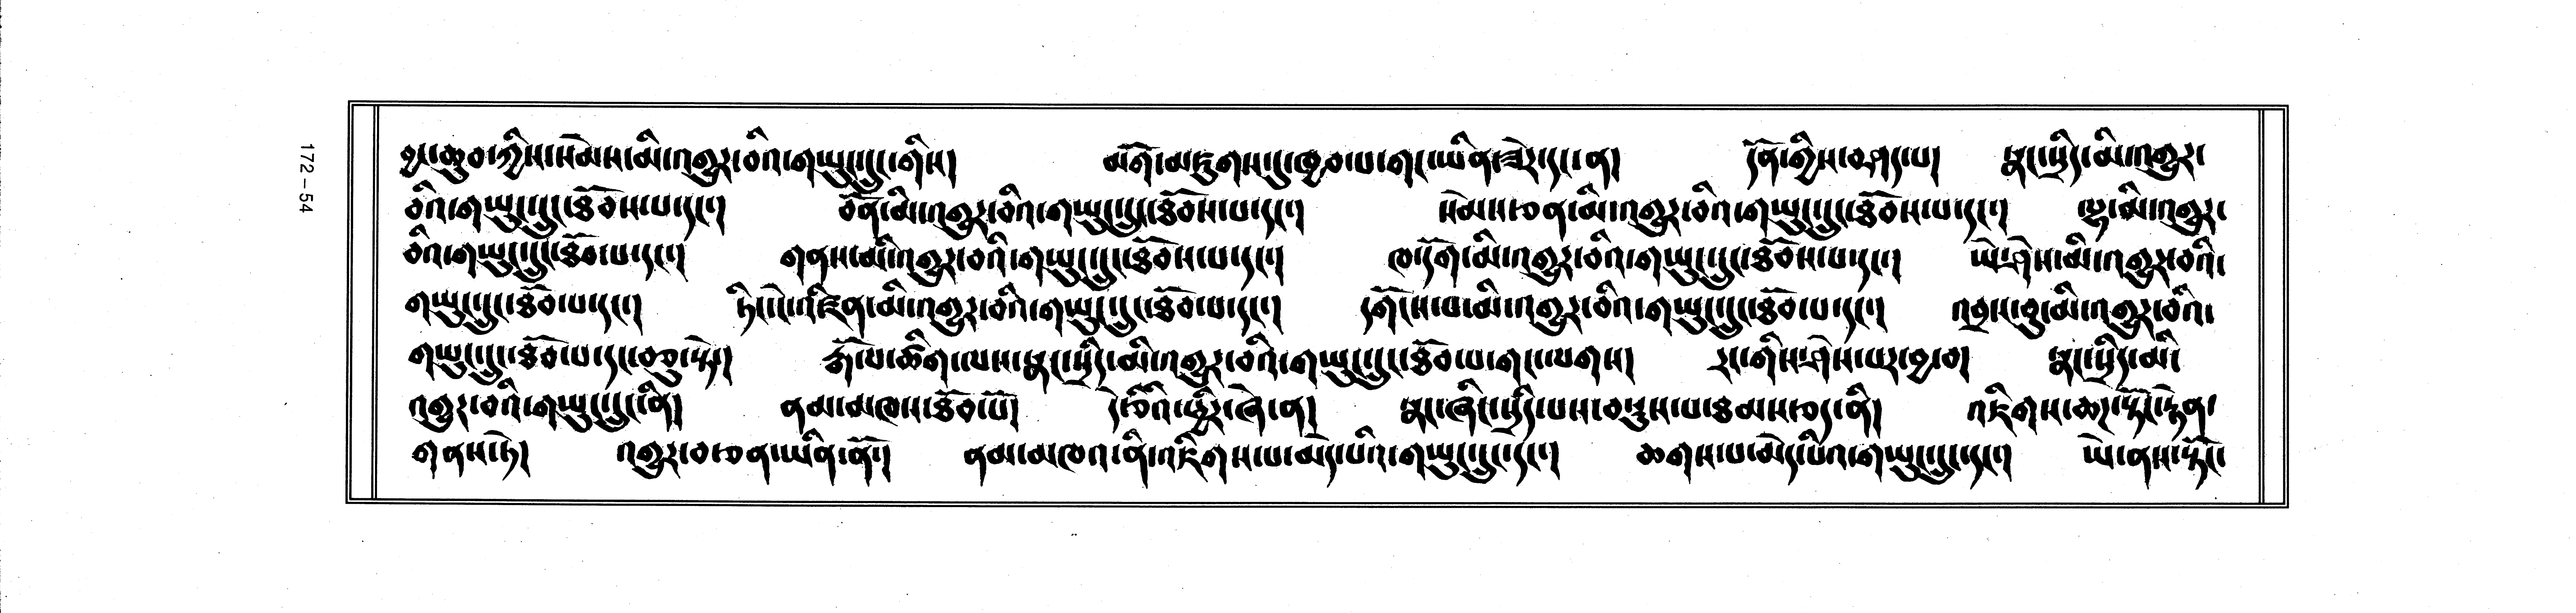བྱང་ཆུབ་ཀྱིས་སེམས་མི་འགྱུར་བའི་གཡུང་དྲུང་གིས། མགོ་མཇུག་ཏུ་ཁྱབ་པ་གང་ཡིན་ཟེར་དང་ན། དོན་གྱིས་བཤད་པ། སྣང་སྲིད་མི་འགྱུར་
བའི་གཡུང་དྲུང་ཐོབ་པ་དང་། བོན་མི་འགྱུར་བའི་གཡུང་དྲུང་ཐོབ་པ་དང་། སེམས་ཅན་མི་འགྱུར་བའི་གཡུང་དྲུང་ཐོབ་པ་དང་། ལྷ་མི་འགྱུར་
བའི་གཡུང་དྲུང་ཐོབས་པ་དང་། གནས་མི་འགྱུར་བའི་གཡུང་དྲུང་ཐོབས་པ་དང་། ཁ་དོག་མི་འགྱུར་བའི་གཡུང་དྲུང་ཐོབས་པ་དང་། ཡེ་ཤེས་མི་འགྱུར་བའི་
གཡུང་དྲུང་ཐོབས་པ་དང་། ཏིང་ངེ་འཛིན་མི་འགྱུར་བའི་གཡུང་དྲུང་ཐོབས་པ་དང་། དགོངས་པ་མི་འགྱུར་བའི་གཡུང་དྲུང་ཐོབས་པ་དང་། འབྲས་བུ་མི་འགྱུར་བའི་
གཡུང་དྲུང་ཐོབ་པ་དང་བཅུ་སྟེ། རྒོལ་ཚིག་ལས་སྣང་སྲིད་མི་འགྱུར་བའི་གཡུང་དྲུང་ཐོབས་པ་གང་ལགས། རང་གིས་ཤེས་པར་བྱ་བ། སྣང་སྲིད་མི་
འགྱུར་བའི་གཡུང་དྲུང་ནི། ནམ་མཁས་ཐོབས་པོ། དེ་ཅིའི་ཕྱིར་ཞེ་ན། སྣང་ཞིང་སྲིད་པས་བསྡུས་པ་ཐམས་ཅད་ནི། འཇིགས་ཆགས་སྟོང་རྟེན་
གནས་ཏེ། འགྱུར་བ་ཅན་ཡིན་ནོ། ནམ་མཁའ་ནི་འཇིགས་པ་མེད་པའི་གཡུང་དྲུང་དང་། ཆགས་པ་མེད་པའི་གཡུང་དྲུང་དང་། ཡེ་ནས་སྟོང་